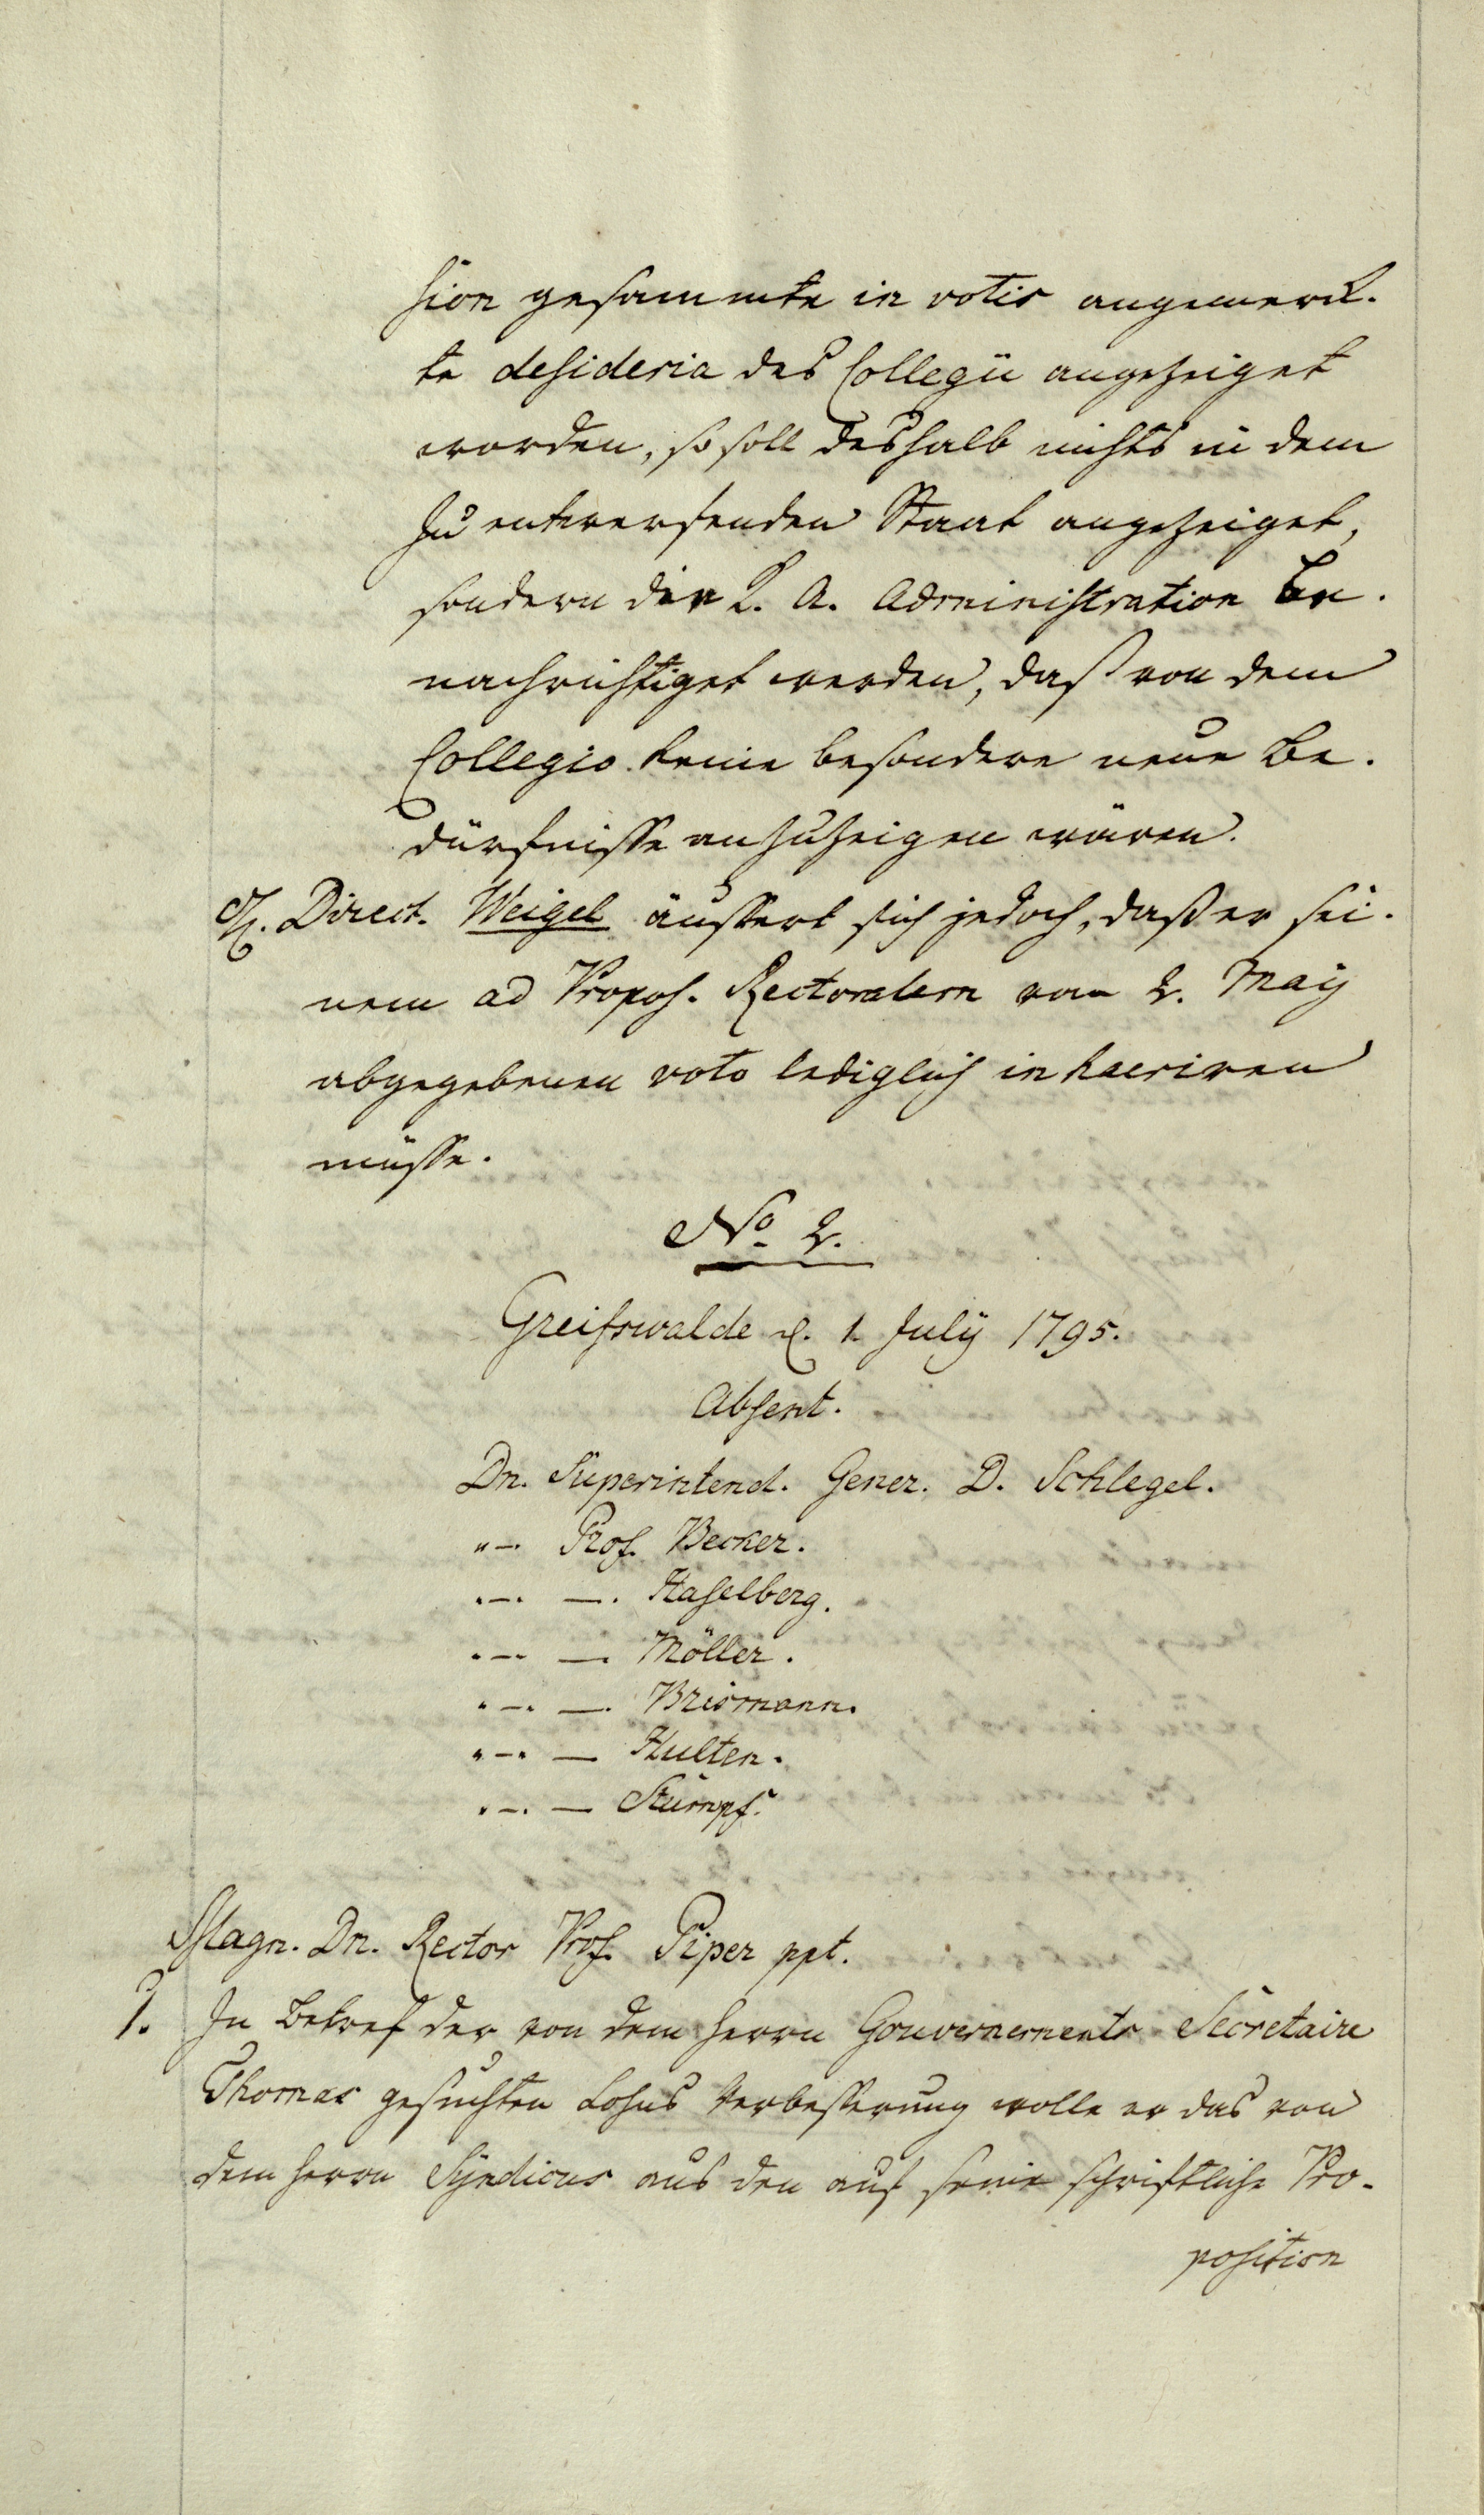sion gesammte in votis angemerk¬
te desideria des Collegii angezeiget
worden, so soll deshalb nichts in dem
zu entwerfenden Staat angezeiget,
sondern die K. A. Administration be¬
nachrichtigt werden, daß von dem
Collegio keine besondern neue Be¬
dürfnisse anzuzeigen wären.
dh. Direct. Weigel äussert sich jedoch, daß er sei¬
nem ad Propos. Rectoralem vom 2. Maÿ
abgegebenen voto lediglich inhaeriren
müsse.
No 2.
Greifswalde d. 1. Julÿ 1795.
Absent.
Dn. Superintend. Gener. D. Schlegel.
"—" Prof. Becker.
"—" — . Haselberg.
"—" — . Möller.
"—" — . Brismann.
"—" — . Hulten.
"—" — . Stumpf.
Magn. Dn. Rector Prof. Piper ppt.
1. In Betref von dem Herrn Gouvernements Sécretaire
Thomas gesuchten Lohns Verbesserung wolle er das von
dem Herrn Sÿndicus aus den auf seine schriftliche Pro¬
position